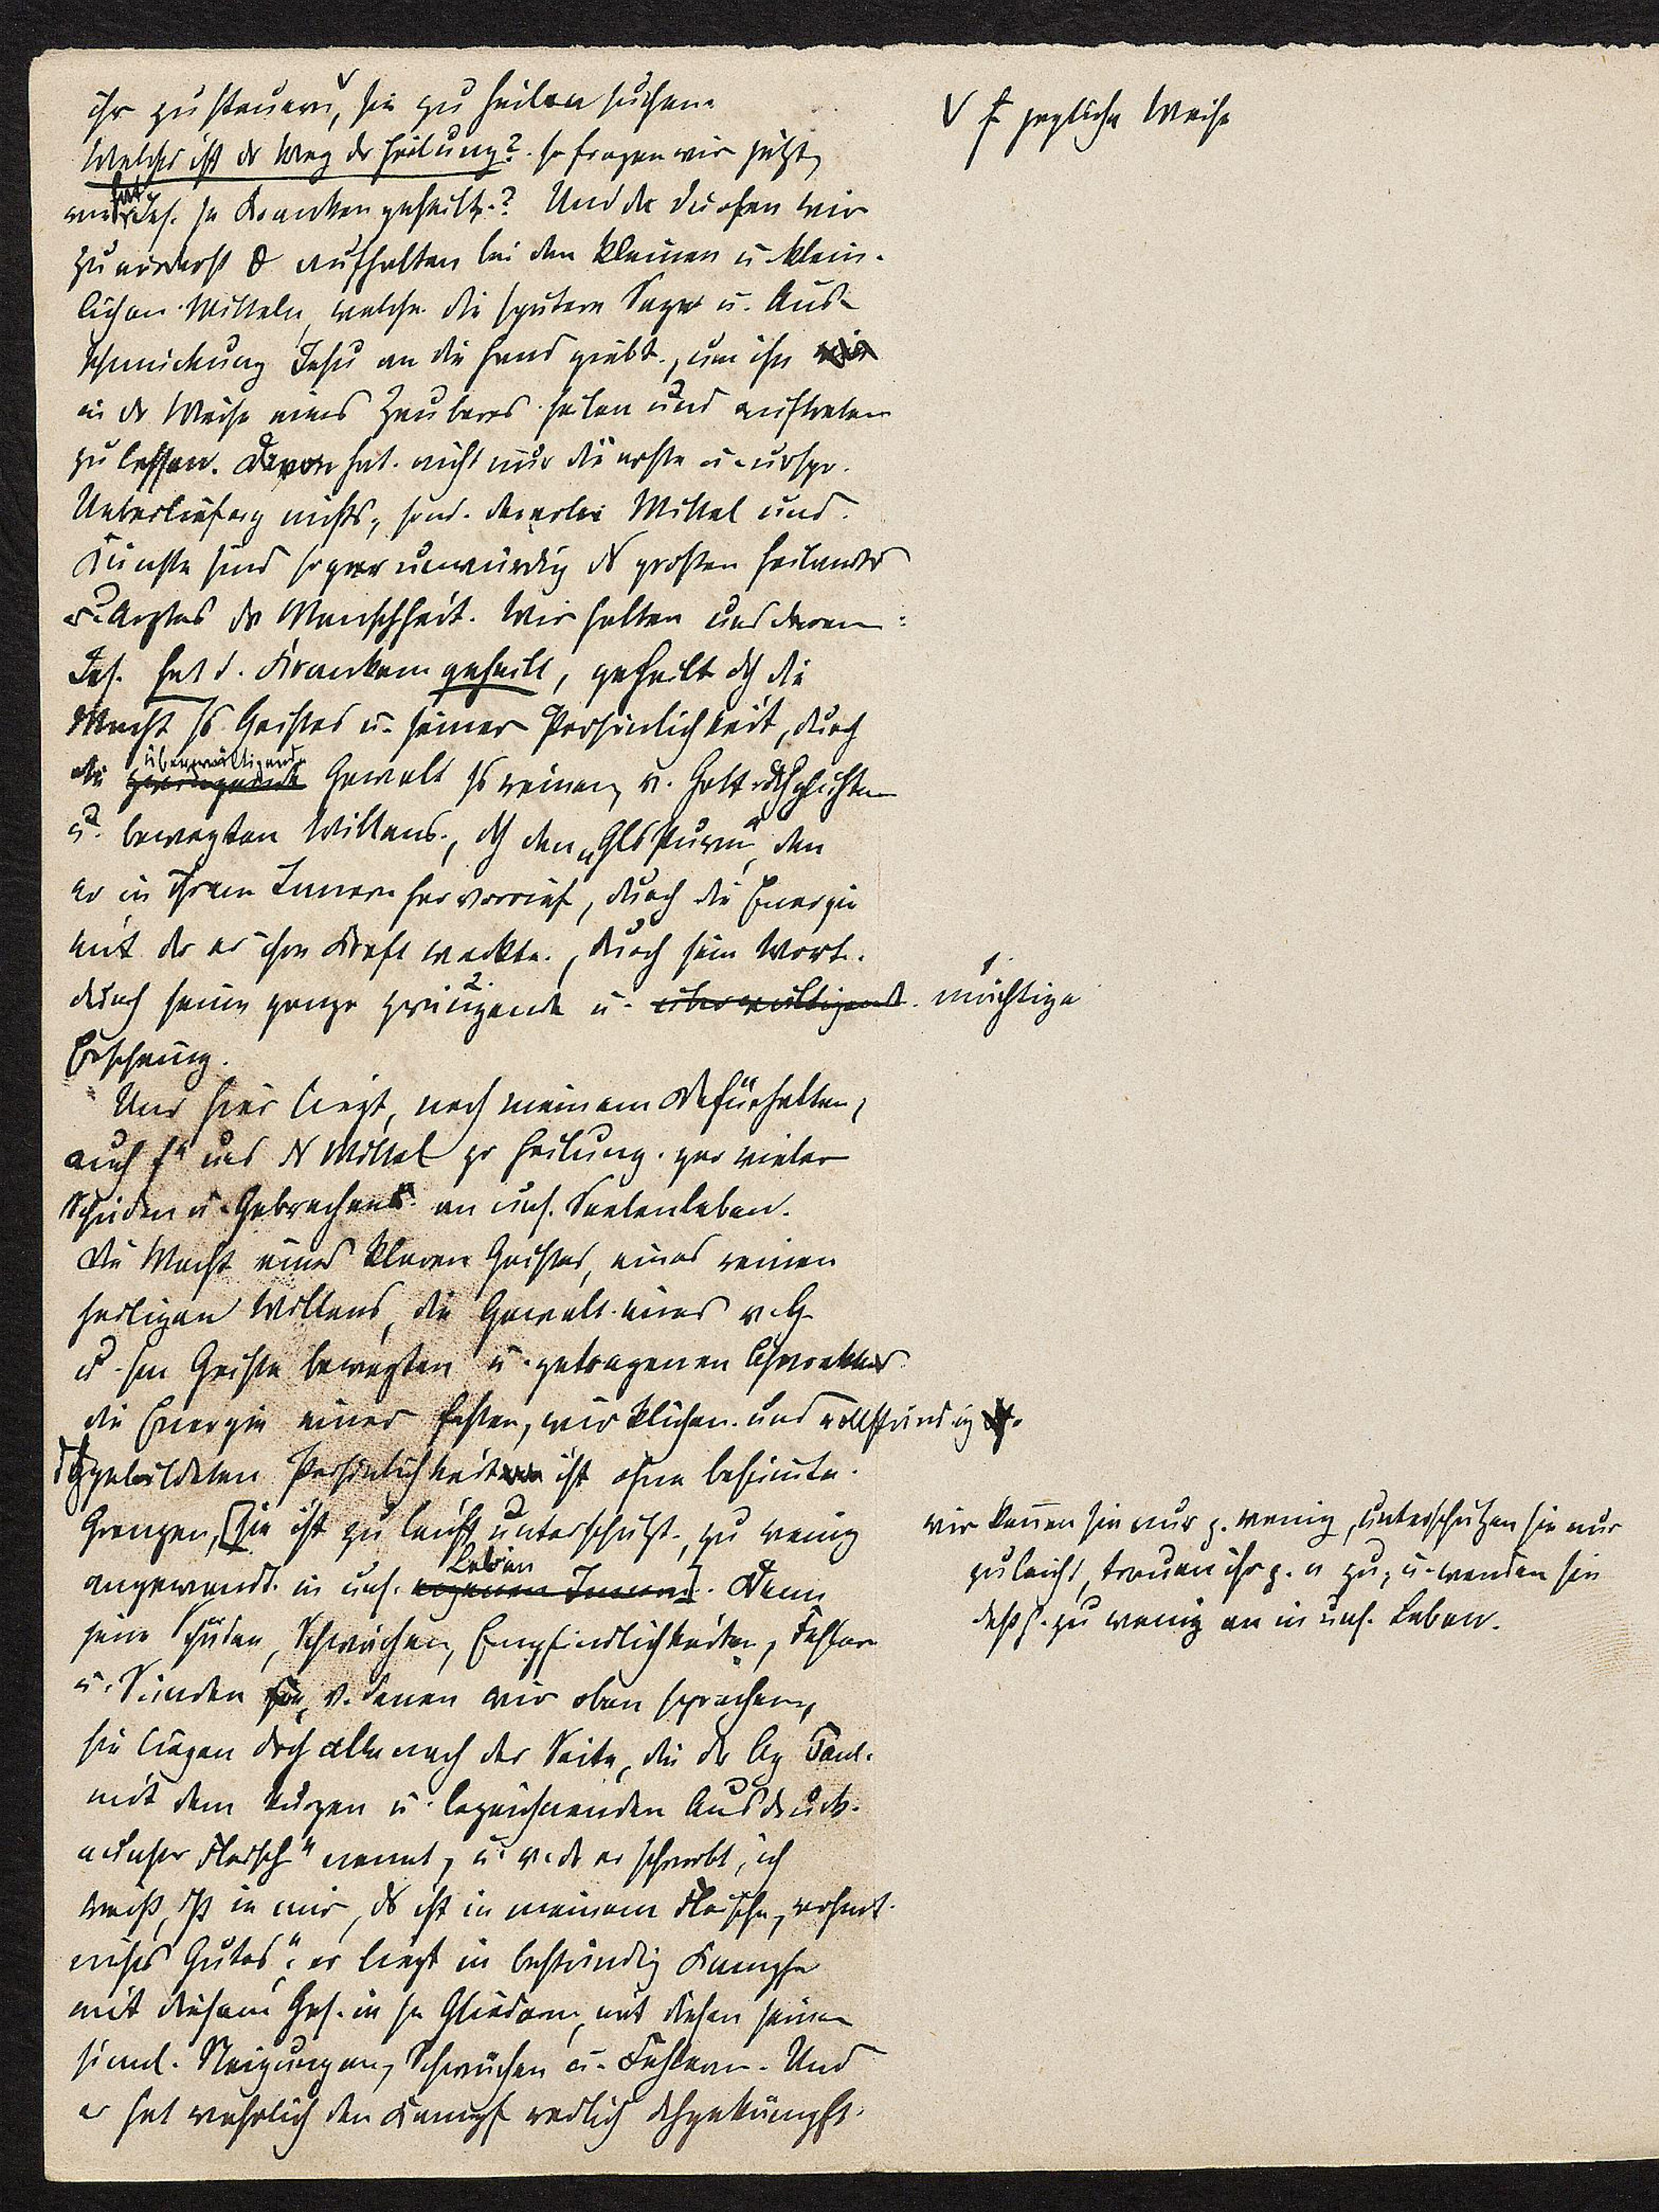ihr zu steuern, sie zu heilen suchen.
V f jegliche Weise
Welches ist dr Weg dr Heilung? so fragen wir jetzt,
wie hat Jes. sn Kranken geheilt? Und da dürfen wir
zumindest o aufhalten bei den kleinen u. klein¬
lichen Mitteln, welche die spätere Sage u. Aus¬
schmückungen Jesu an die Hand giebt, um ihn wie
in dr Weis eines Zauberers heielen und auftreten
zu lassen. Davon hat. nicht nur die erste u. urspr.
Ueberlieferung nichts, sond. dererlei Mittel und
Künste sind sogar unwürdig das größten Heilands
u. Arztes dr Menschheit. wir halten und daran:
Jes. hat d. Kranken geheilt, geheilt dch die
Macht ss Geistes u. seiner Persönlichkeit, durch
überwältigende
die zernzende Gewalt ss reinen, v. Gott dchglühten
u. bewegten Willens, doch den "Glssturm", den
er in ihrem Innern hervorrief, durch die Energie
mit der er ihre Kraft weckte, durch sein Wort.
durch seine ganze zwingenden u. überwältigend. mächtige
Erscheinung.
Und hier liegt, nach meinem Dafürhalten,
auch fü uns ds Mittel zu Heilung gar vieler
Schäden u. Gebrechen an uns. Seelenleben.
Die Macht eines klaren Geistes, eines reinen
seligen Willens, die Gewalt eines relg.
u sm Geiste bewegten u. getragenen Charakters
die Energie eines festen, wirklichen und vollständig ist.
dchgebildeten Persönlichkeiten ist ohne bestimmte.
wir kenen sie nur z. wenig, unterschätzen sie nur
Grenzen [ sie ist zu leicht unterschäzt, zu wenig
Leben
zuleicht, trauen ihr z. " zu, u wenden sie
angewandt in uns. eigene Inern.]. Denn
daß s. zu wenig an in uns. Leben.
jene Schäten, Schwächen. Empfindlichkeiten, Fehler
u. Sünden so. v. denen wir eben sprachen,
sie liegen doch alle nach der Seite, die dr Ap. Paul.
mit dem kurzen u. bezeichnenden Ausdruck.
unser Fleisch" nennt, u. v. der er schreibt, ich
weiß, daß in mir, dß in meinem Fleische, wohnt
nichts Gutes", er liegt in beständig Kampfe
mit diesem Ges. in sn Gliedem, mit diesen seinen
sinnl. Neigungen, Schwächen u. Fehlern. Und
er hat wahrlich den Kampf redlich dchgekämpft.